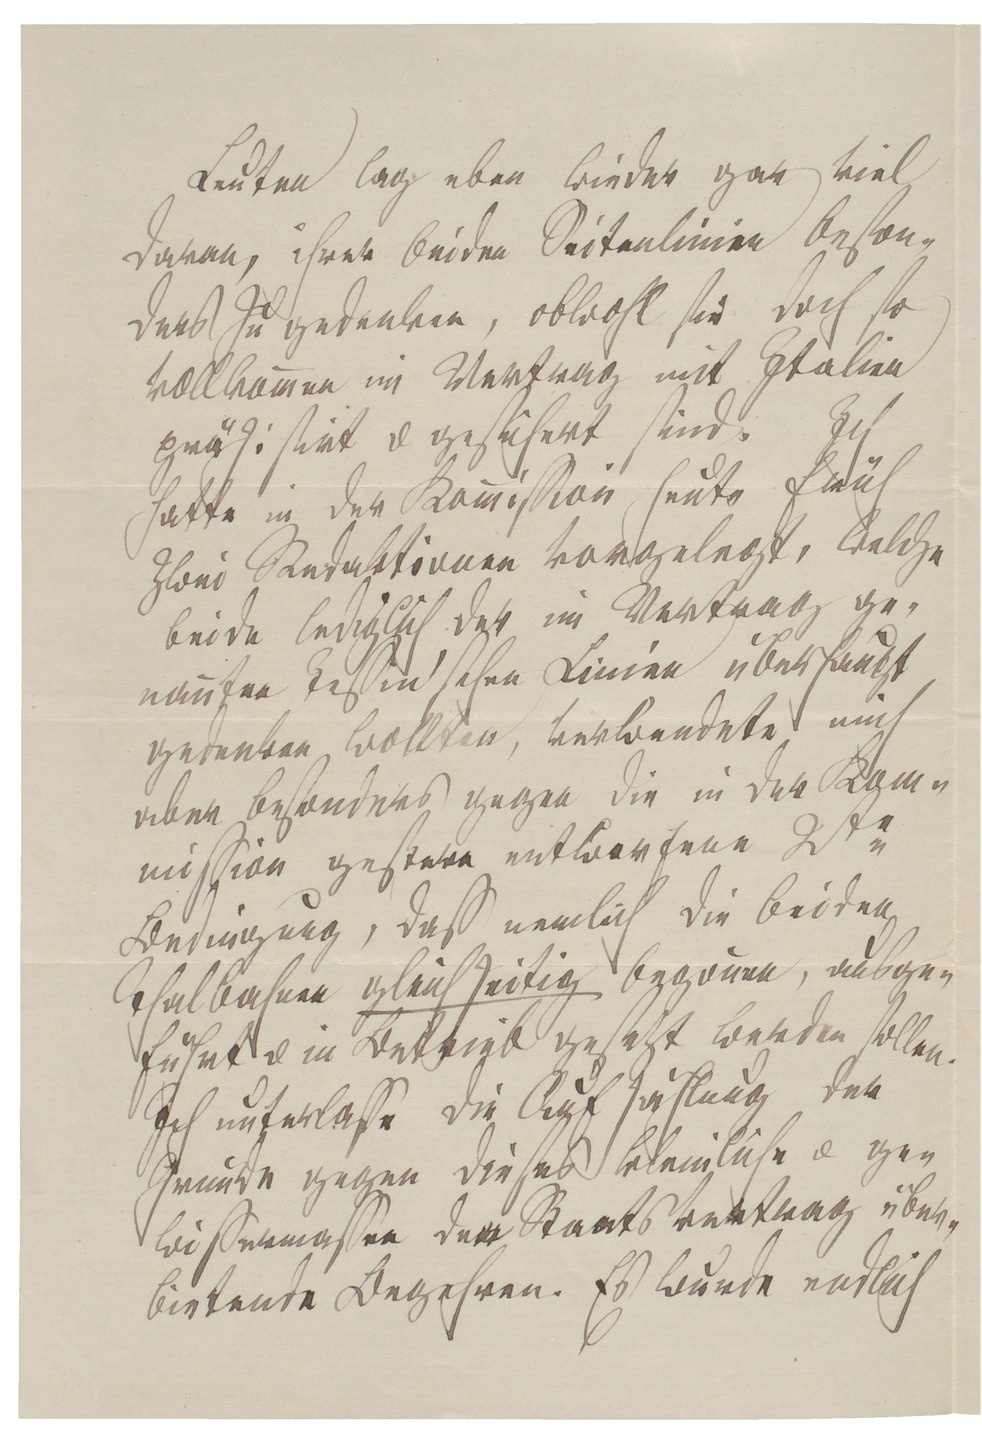Leuten lag eben wieder gar viel
daran, ihrer beiden Seitenlinien beson-
ders zu gedenken, obwohl sie doch so
vollkommen im Vertrag mit Italien
präzisirt & gesichert sind. Ich
hatte in der Kommission heute früh
zwei Redaktionen vorgelegt, welche
beide lediglich der im Vertrag ge-
nannten Tessin'schen Linien überhaupt
gedenken wollten, verwendete mich
aber besonders gegen die in der Kom-
mission gestern entworfene 2te
Bedingung, dass nemlich die beiden
Thalbahnen gleichzeitig begonnen, ausge-
führt & in Betrieb gesetzt werden sollen.
Ich unterlasse die Aufzählung der
Gründe gegen dieses kleinliche & ge-
wissermassen den Staatsvertrag über-
bietende Begehren. Es wurde endlich